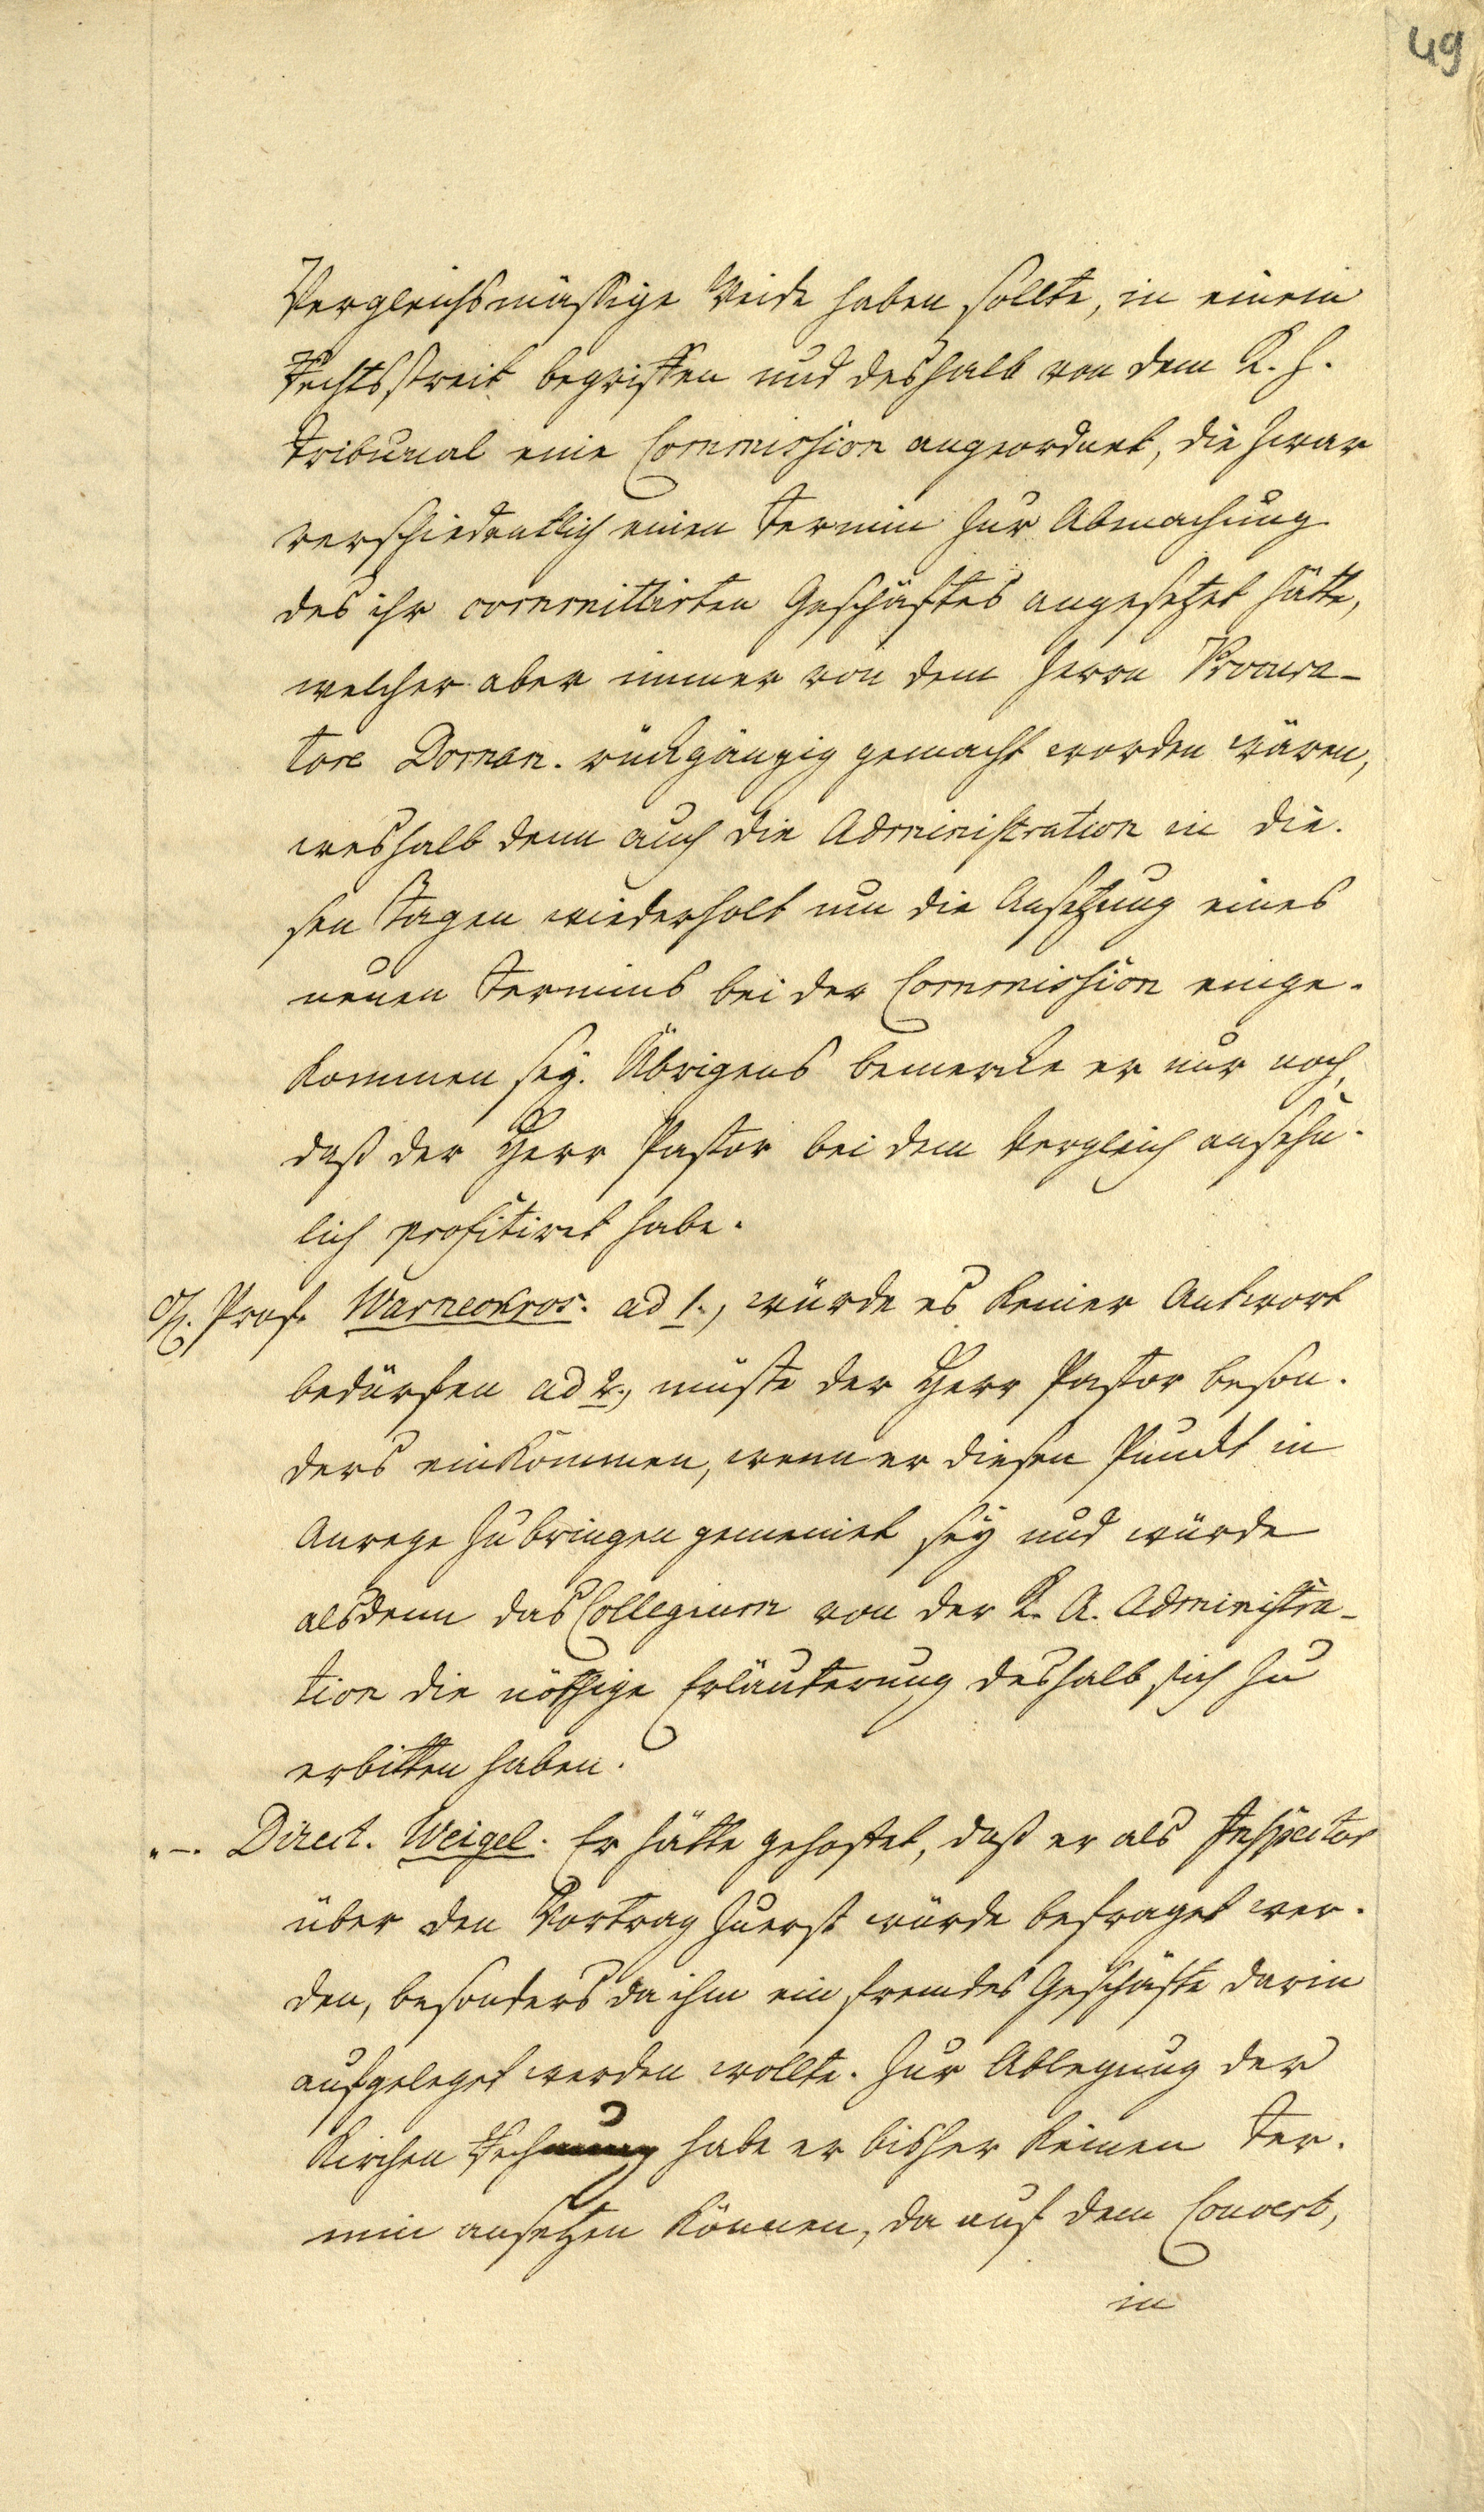Vergleichsmässige Weide haben sollte, in einem
Rechtsstreit begriffen und deshalb von dem K. H.
Tribunal eine Commission angeordnet, die zwar
verschiedentlich einen Termin zur Abmachung
des ihr committirten Geschäftes angesetzet hätte,
welcher aber immer von dem herrn Procura-
tore Doman. rückgängig gemacht worden wären,
weshalb denn auch die Administration in die-
sen Tagen wiederholt um die Ansetzung eines
neuen Termins bei der Commission einge-
kommen sey. Übrigens bemerke er nur noch,
daß der Herr Pastor bei dem Vergleich ansehn-
lich profitiret habe.
dh. Prof. Warneckros. ad 1., würde es keiner Antwort
bedürfen ad 2., müßte der Herr Pastor beson-
ders einkommen, wenn er diesen Punkt in
Anrege zu bringen gemeinet sey und würde
alsdenn das Collegium von der K. A. Administra-
tion die nöthige Erläuterung deshalb sich zu
erbitten haben.
" - " Direct. Weigel. Er hätte gehoffet, daß er als Inspector
über den Vortrag zuerst würde befraget wer-
den, besonders da ihm ein fremdes Geschäfte darin
aufgeleget werden wollte. Zur Ablegung der
Kirchen Rechnung habe er bisher keinen Ter-
min ansetzen können, da auf dem Couvert,
in